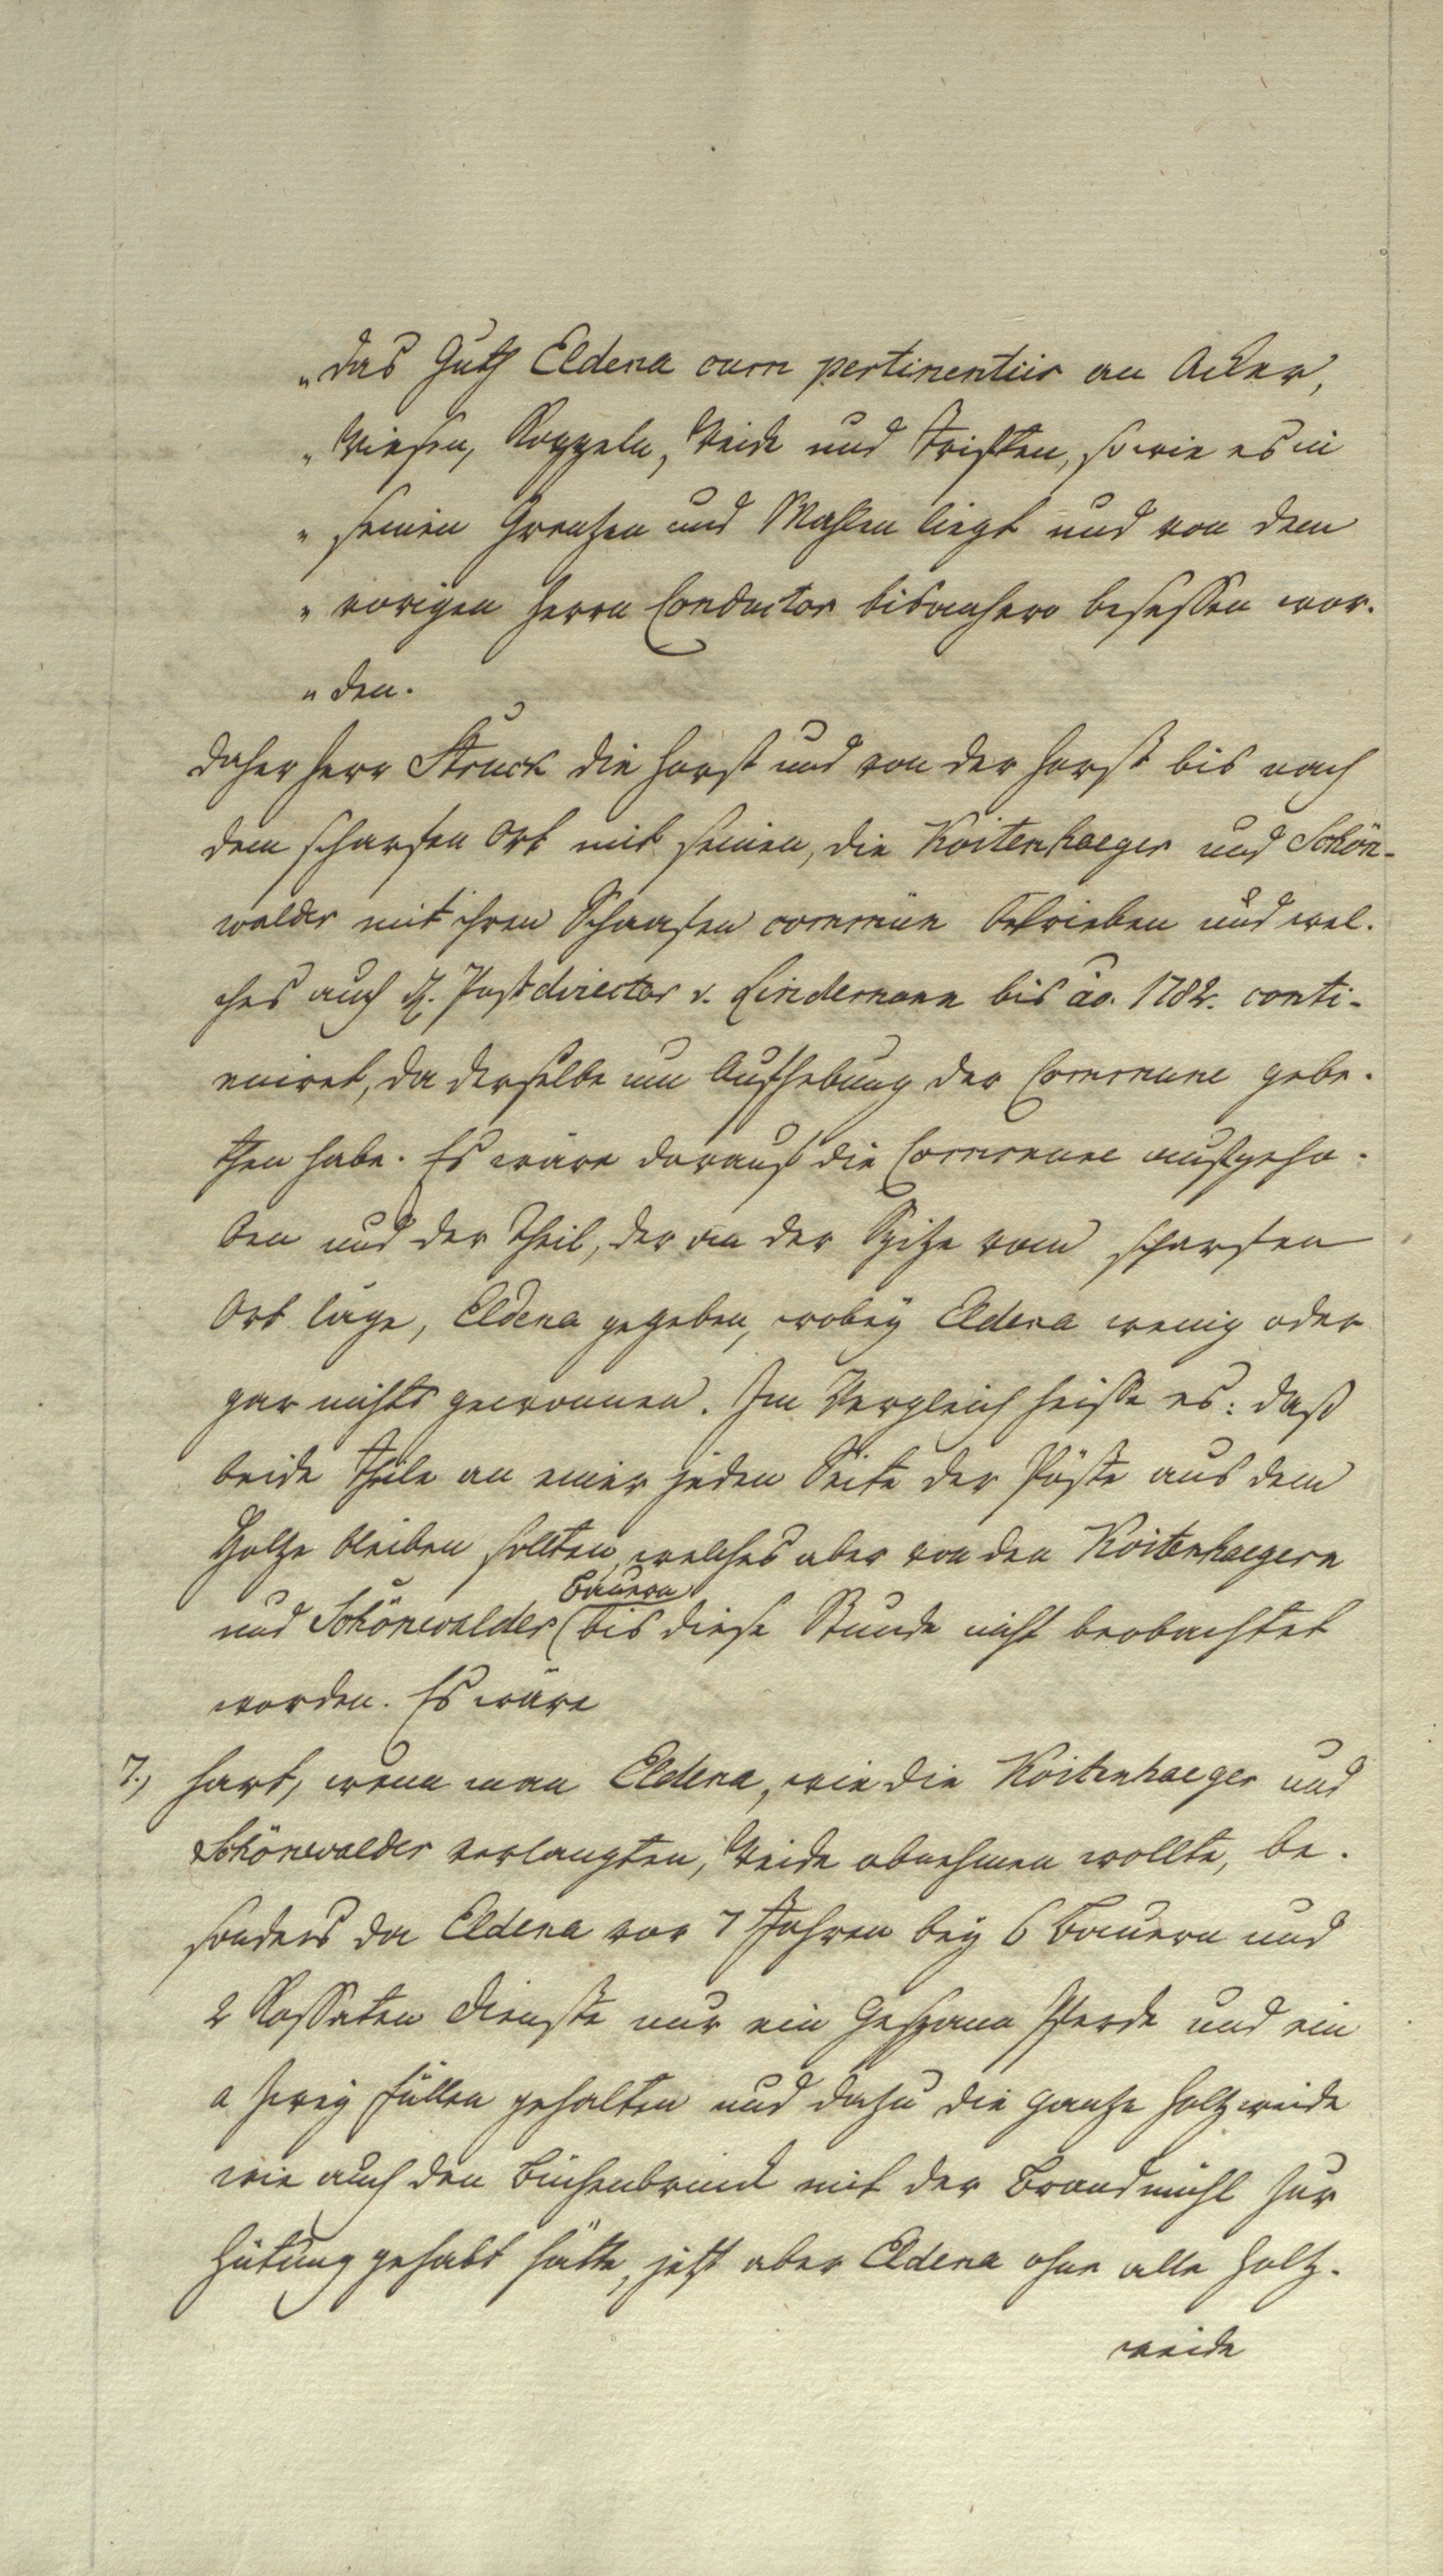das Guth Eldena cum pertinentiis an Acker,
Wiesen, Koppeln, Weide und Triften, so wie es in
seinen Grenzen und Mahlen liegt und von dem
vorigen Herrn Conductor bis anhero besessen wor¬
den.
Daher Herr Struck die Horst und von der Horst bis nach
dem scharfen Ort mit seinen, die Koitenhaeger und Schön¬
walder mit ihren Schaafen commün betrieben und wel¬
ches auch dh. Postdirector v. Lindemann bis ao. 1782 conti¬
nuiret, da derselbe um Aufhebung der Commune gebe¬
then habe. Es wäre darauf die Commune aufgeho¬
ben und der Theil, der an der Spitze vom scharfen
Ort läge, Eldena geben, wobey Eldena wenig oder
gar nichts gewonnen. Im Vergleich heisse es: daß
beide Theile an einer jeden Seite der Pöste aus dem
Holze bleiben sollten welches aber von den Koitenhaegern
und Schönwalder Bauern bis diese Stunde nicht beobachtet
worden. Es wäre
7., hart, wenn man Eldena, wie die Koitenhaeger und
Schönwalder verlangten, Weide abnehmen wollte, be¬
sonders da Eldena vor 7 Jahren bey 6 Bauern und
2 Kossaten Dienste nur ein Gespann Pferde und ein
o Zwey Füllen gehalten und dazu die ganze Holzweide
wie auch den Buchenbrand mit der Brandmühl zur
Hütung gehabt hätte, jetzt aber Eldena ohne alle Holz¬
weide